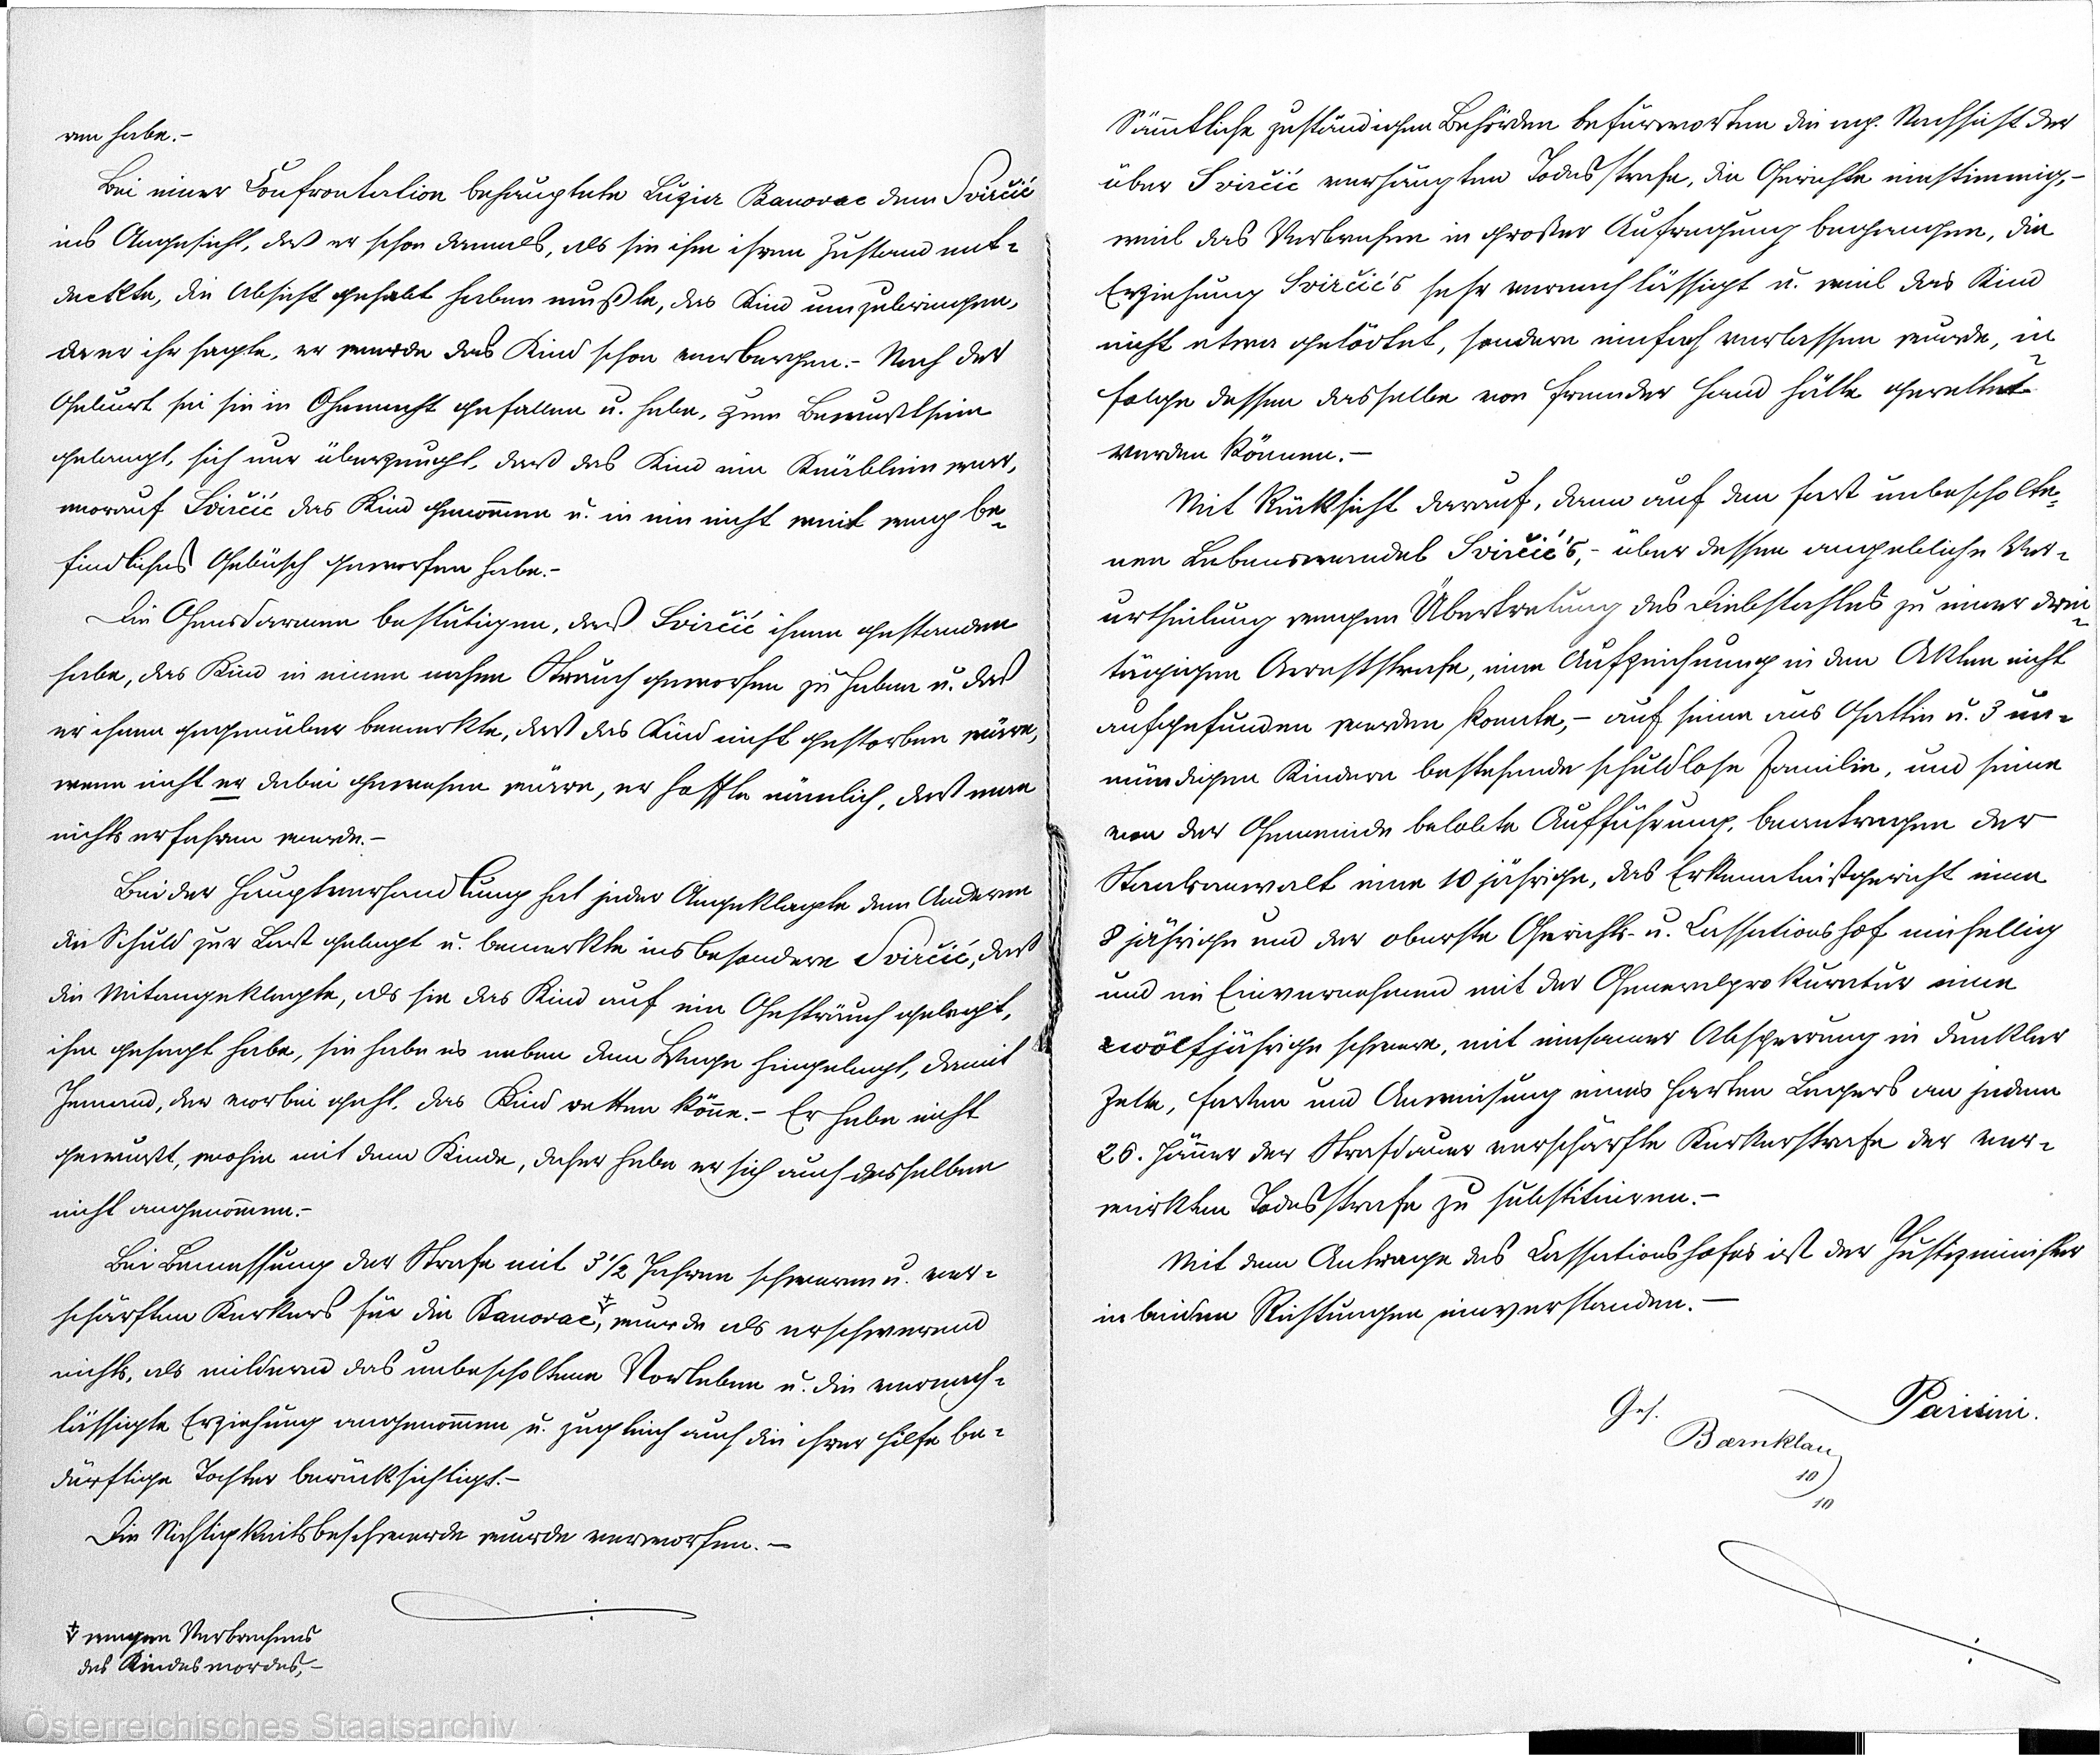ren habe.-
Bei einer Confrontation behauptete Luzia Banovac dem Svirčić
ins Angesicht, daß er schon damals, als sie ihm ihren Zustand ent¬
deckte, die Absicht gehabt haben mußte, das Kind umzubringen,
da er ihr sagte, er werde das Kind schon verbergen.- Nach der
Geburt sie sie in Ohnmacht gefallen u. habe, zum Bewußtsein
gelangt, sich nur überzeugt, daß das Kind ein Knäblein war,
worauf Svirčić des Kind genommen u. in ein nicht weit weg be¬
findliches Gebüsch geworfen habe.-
Die Gensdarmen bestätigen, daß Svirčić ihnen gestanden
habe, das Kind in einen nahen Strauch geworfen zu haben u. daß
er ihnen gegenüber bemerkte, daß das Kind nicht gestorben wäre,
wenn nicht er dabei gewesen wäre, er haffte nämlich, daß man
nichts erfahren werde.-
Bei der Hauptverhandlung hat jeder Angeklagte dem Anderen
die Schuld zur Last gelegt u. bemerkte insbesondere Svirčić, daß
die Mitangeklagte, als sie das Kind auf ein Gestrauch gelegt,
ihm gesagt habe, sie habe es neben dem Wage hingelegt, damit
Jemand, der worbei geht, das Kind vetten könne.- Er habe nicht
gewußt, wohin mit dem Kinde, daher habe er sich auch desselben
nicht angenommen.-
Bei Bemessung der Strafe mit 3 ½ Jahren schweren u. ver¬
+
schärften Kerkers für die Banovac, wurde als erschwerend
nichts, als mildernd das unbescholtene Vorleben u. die vernach¬
lässigte Erziehung angenommen u. zugleich auch die ihrer Hilfe be¬
dürftige Tochter berücksichtigt.-
Die Nichtigkeitsbeschwerde wurde verworfen.-
+ amgen Verbrechens
des Kindesmordes,-
Sämmtliche zuständigen Behörden befürworten die ag. Nachsicht der
über Svirčić verhaupten Todesstrafe, die Gerichte einstimmig,-
weil das Verbrechen in großer Aufragung begangen, die
Erziehung Svirčić sehr vernachlässigt u. weil das Kind
nicht etwa getödtet, sondern einfach verlassen wurde, in
folge dessen dasselbe von fremder Hand hätte gerettet
werden können.-
Mit Rücksicht darauf, dann auf den fart unbescholte¬
nen Lebenswandel Svirčić's, - über dessen angebliche Ver¬
urtheilung wegen Übertretung des Diebstahles zu einer drei¬
tägigen Arreststrafe, eine Aufzeichnung in den Akten nicht
aufgefunden worden konnte,- auf seine aus Gattin u. 3 un¬
mündigen Kindern bestehende schuldlose Familie, und seine
von der Gemeinde belobte Aufführung, beantragen der
Staatsanwalt eine 10 jährige, das Erkenntnißgericht eine
8 jährige und der oberste Gerichts- u. Cassationshof einfellig
und im Einvernehmen mit der Generalprokuratur eine
zwölfjährige schwere, mit einsamer Absperrung in dunkler
Zelle, Fasten und Anweisung eines harten Legers an jedem
26. Jänner der Strafdauer verschärfte Kerkerstrafe der ver¬
wirkten Todesstrafe zu substituiren.-
Mit dem Antrage des Cassationshofes ist der Justizminister
in beiden Richtungen einverstanden.—
Ges. Barnklau
Parixxini.
10/10